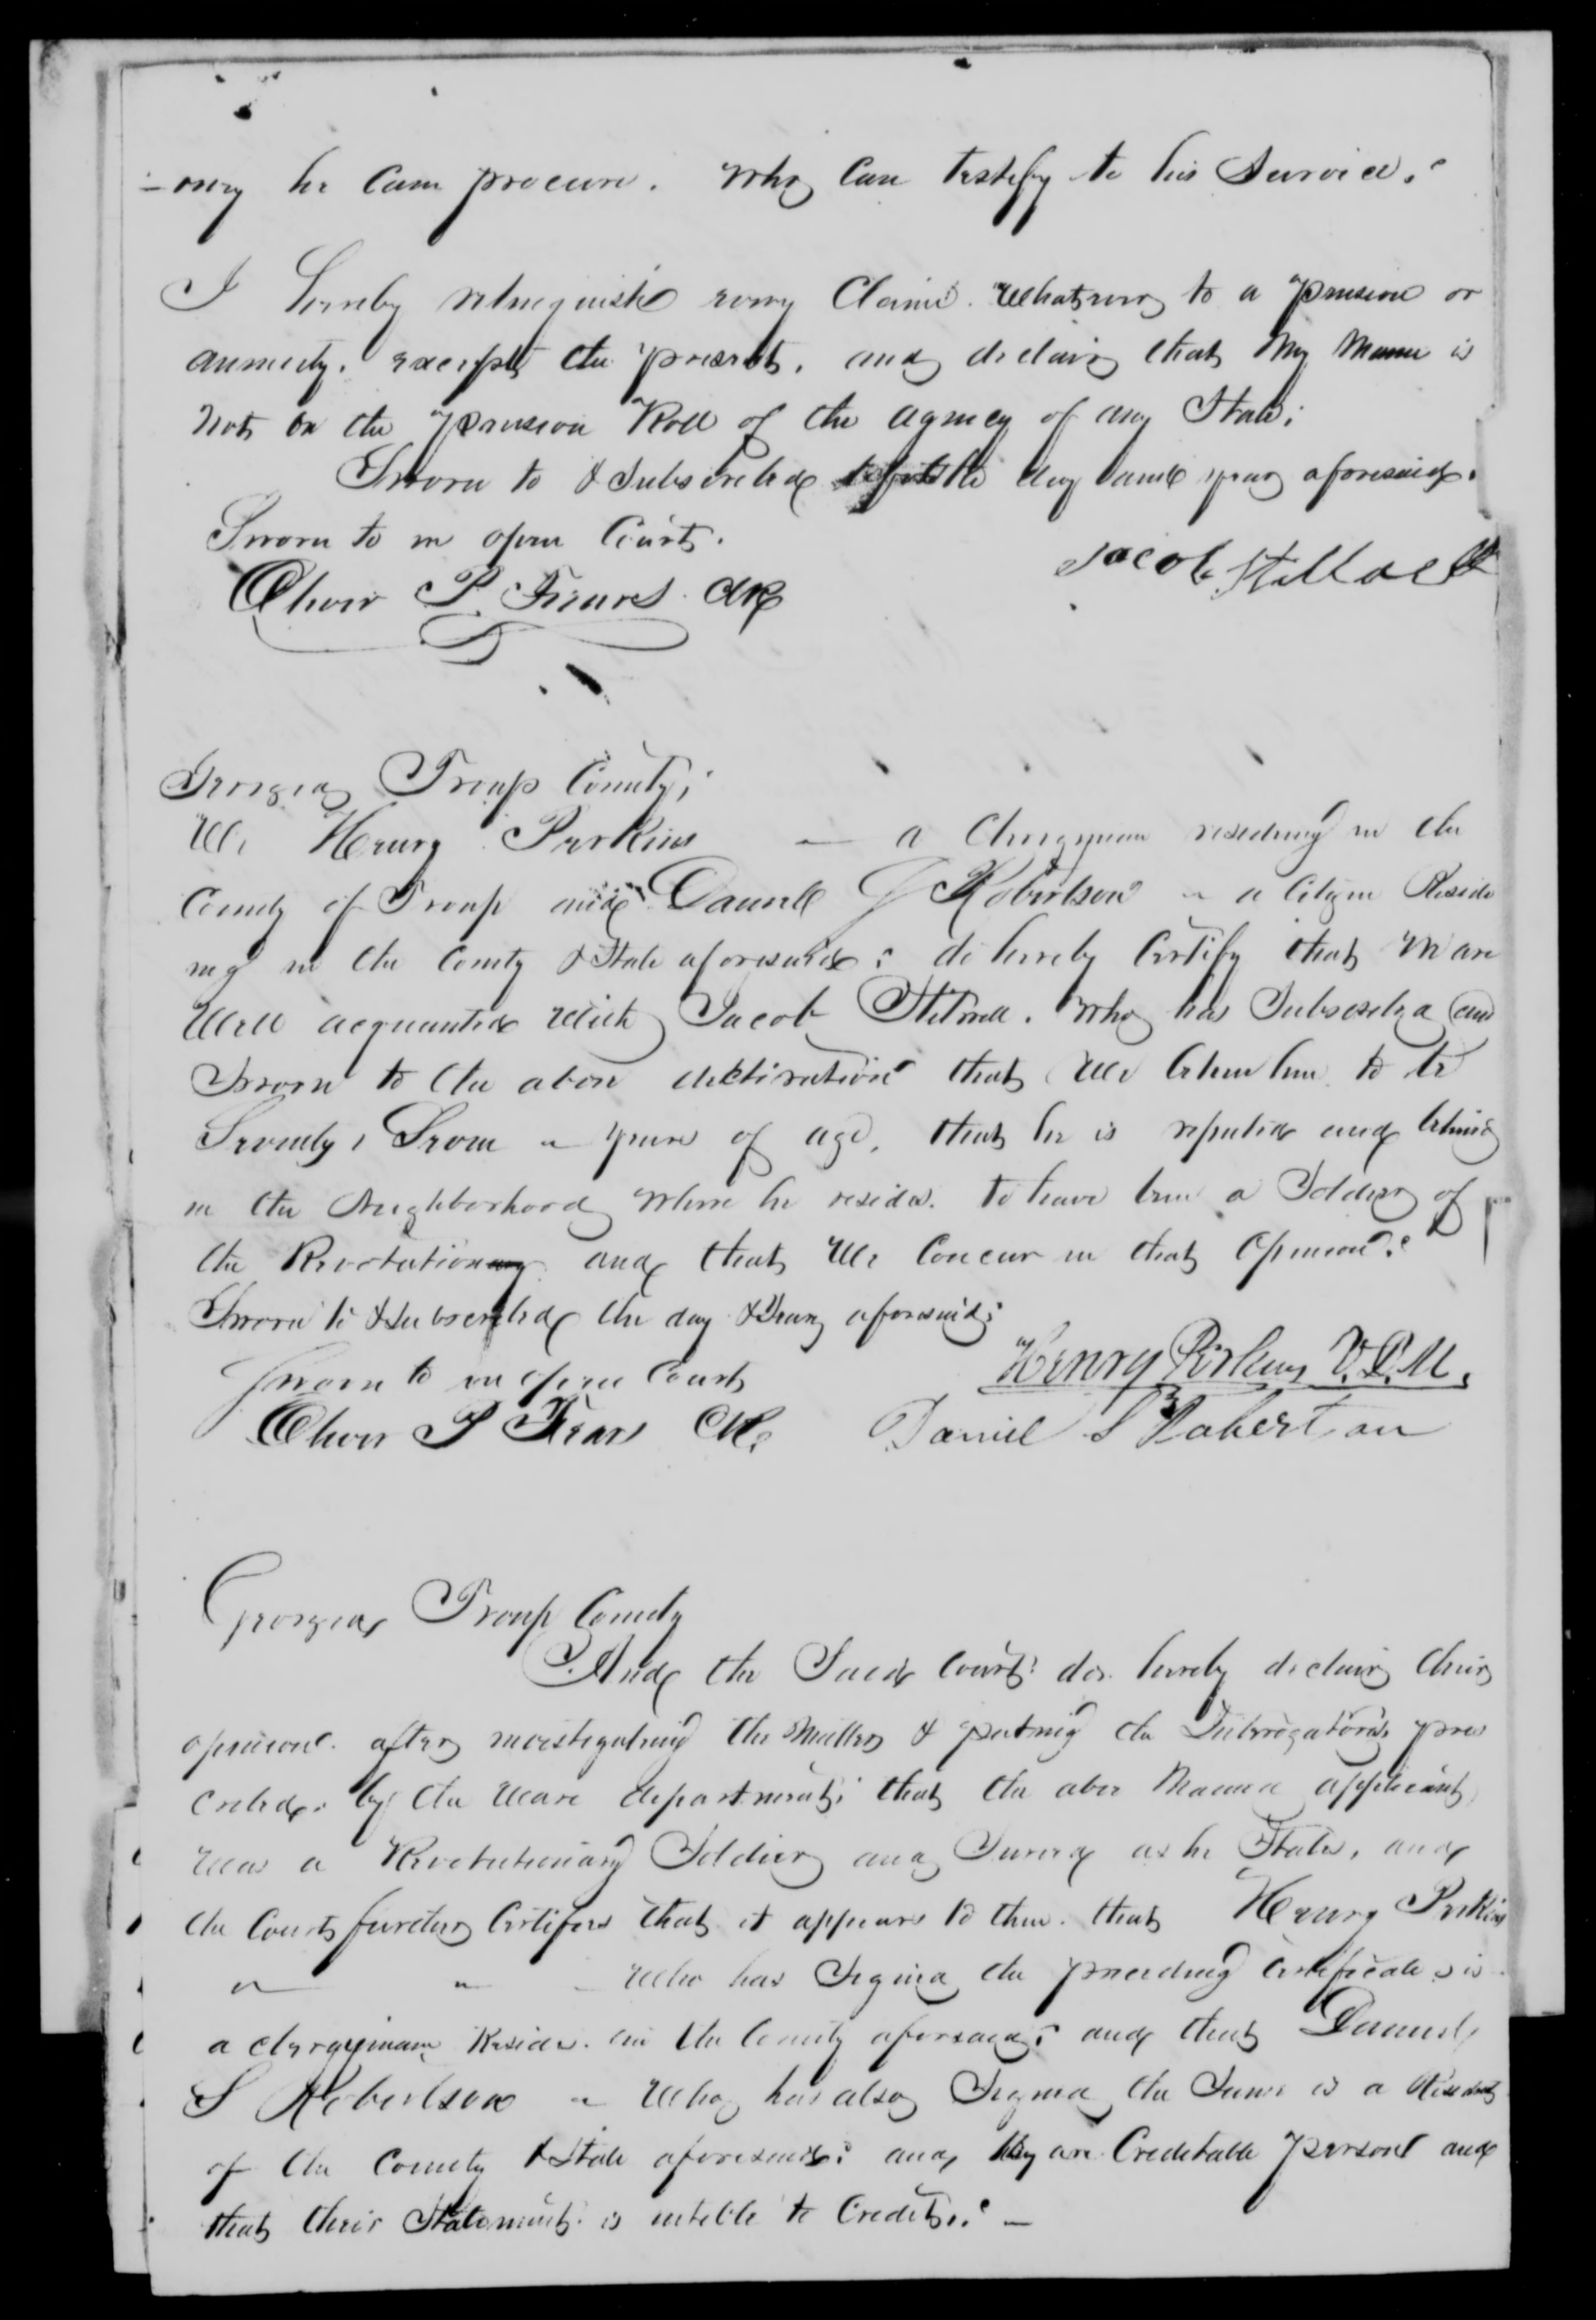he can procure who can testify to his service
I hereby relinquish every claim whatever to a pension or
annuity, except the present, and declare that my name is
not on the pension Roll of the agency of any State.
Sworn to & subscribed before me the day and year aforesaid
Sworn to in open Court
Oliver P. Fears Clk
Jacob Stillwell
Georgia Troup County
We Henry Perkins a clergyman residing in the
County of Troup and Daniel J. Robertson a Citizen Residing the County & State aforesaid do hereby certify we are
Well acquainted with Jacob Stilwell who has subscribed and sworn
on to the above declaration that we take him to to
Seventy seven years of age, that he is reputed and believed
in the Neighborhood where he resides to have been a soldier of
the Revolutionary and that we concur in that Opinion
Sworn to & subscribed the day & year aforesaid
Sworn to in open Court
Oliver P. Fears, Clk.
Henry Perkins V.D.M.
Daniel S. Robertson

Georgia, Troup County
And the said Court do hereby declare their
opinion after investigating the matter & putting the Interrogatories prescribed by the war department that the above named applicant
was a Revolutionary Soldier and served as he states, and
the Court further certifies that it appears to them that Henry Perkins & 
---
who has Signed the preceding certificates is
a clergyman reside in the County aforesaid and that Daniel S. 
Robertson who has also signed the same is resident
of the County & State aforesaid, and both are creditable persons and
that their statement is entitle to credit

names: Jacob Stilwell; Oliver P Fears; Daniel S Robertson; Henry Perkins; Damiel S Robertson; Daniel G Robertson; Henry Perkins; Oliver P Fears; Jacob Stillwell; Henry Perkins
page: 9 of 25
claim: survivor's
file: S. 31,993, for Jacob Stillwell, North Carolina